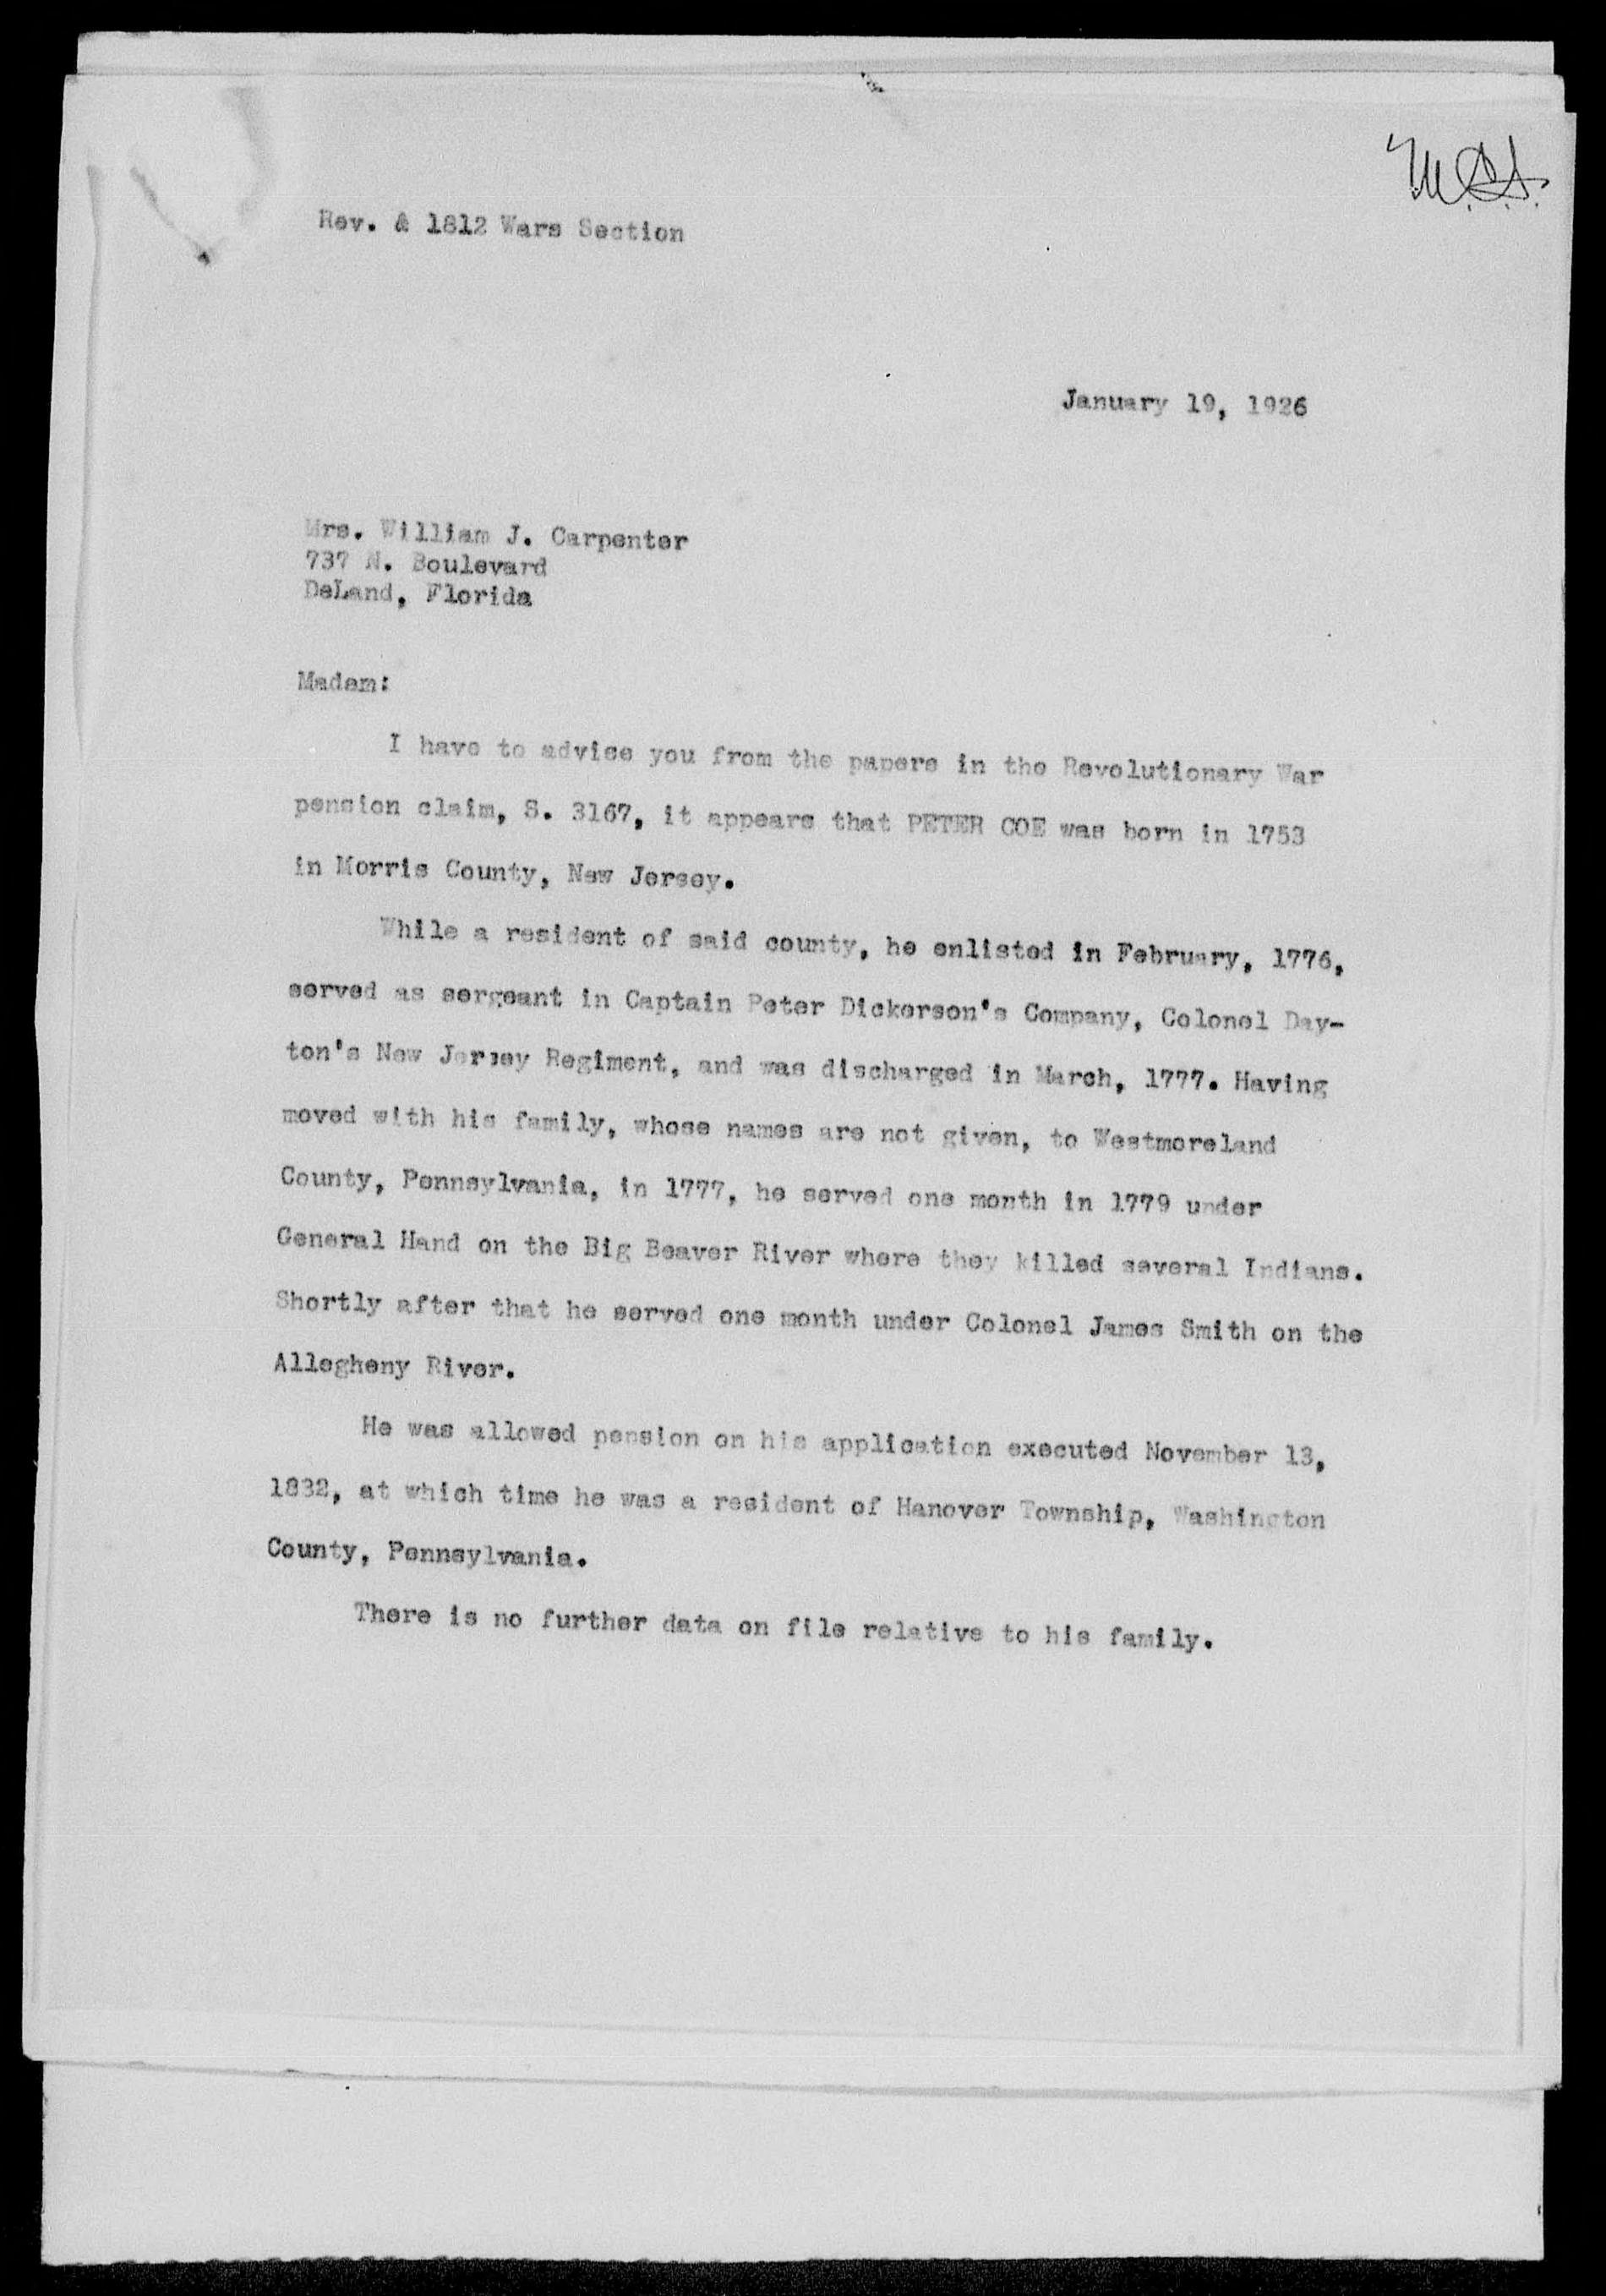W.C.S.
Rev. & 1812 Wars Section
January 19, 1926

Mrs. William J. Carpenter
737 N. Boulevard
DeLand, Florida

Madam:
I have to advise you from the papers in the Revolutionary War pension claim, S. 3167, it appears that PETER COE was born in 1753 in Morris County, New Jersey.
While a resident of said county, he enlisted in February, 1776, served as sergeant in Captain Peter Dickerson's Company, Colonel Dayton's New Jersey Regiment, and was discharged in March, 1777. Having moved with his family, whose names are not given, to Westmoreland County, Pennsylvania, in 1777, he served one month in 1779 under General Hand on the Big Beaver River where they killed several Indians. Shortly after that he served one month under Colonel James Smith on the Allegheny River.
He was allowed pension on his application executed November 13, 1832, at which time h was a resident of Hanover Township, Washington County, Pennsylvania.
There is not further data on file relative to his family.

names: William J Carpenter, Peter Coe, James Smith, Hand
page: 7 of 23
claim: survivor's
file: S. 3167, Peter Coe, New Jersey Penn.